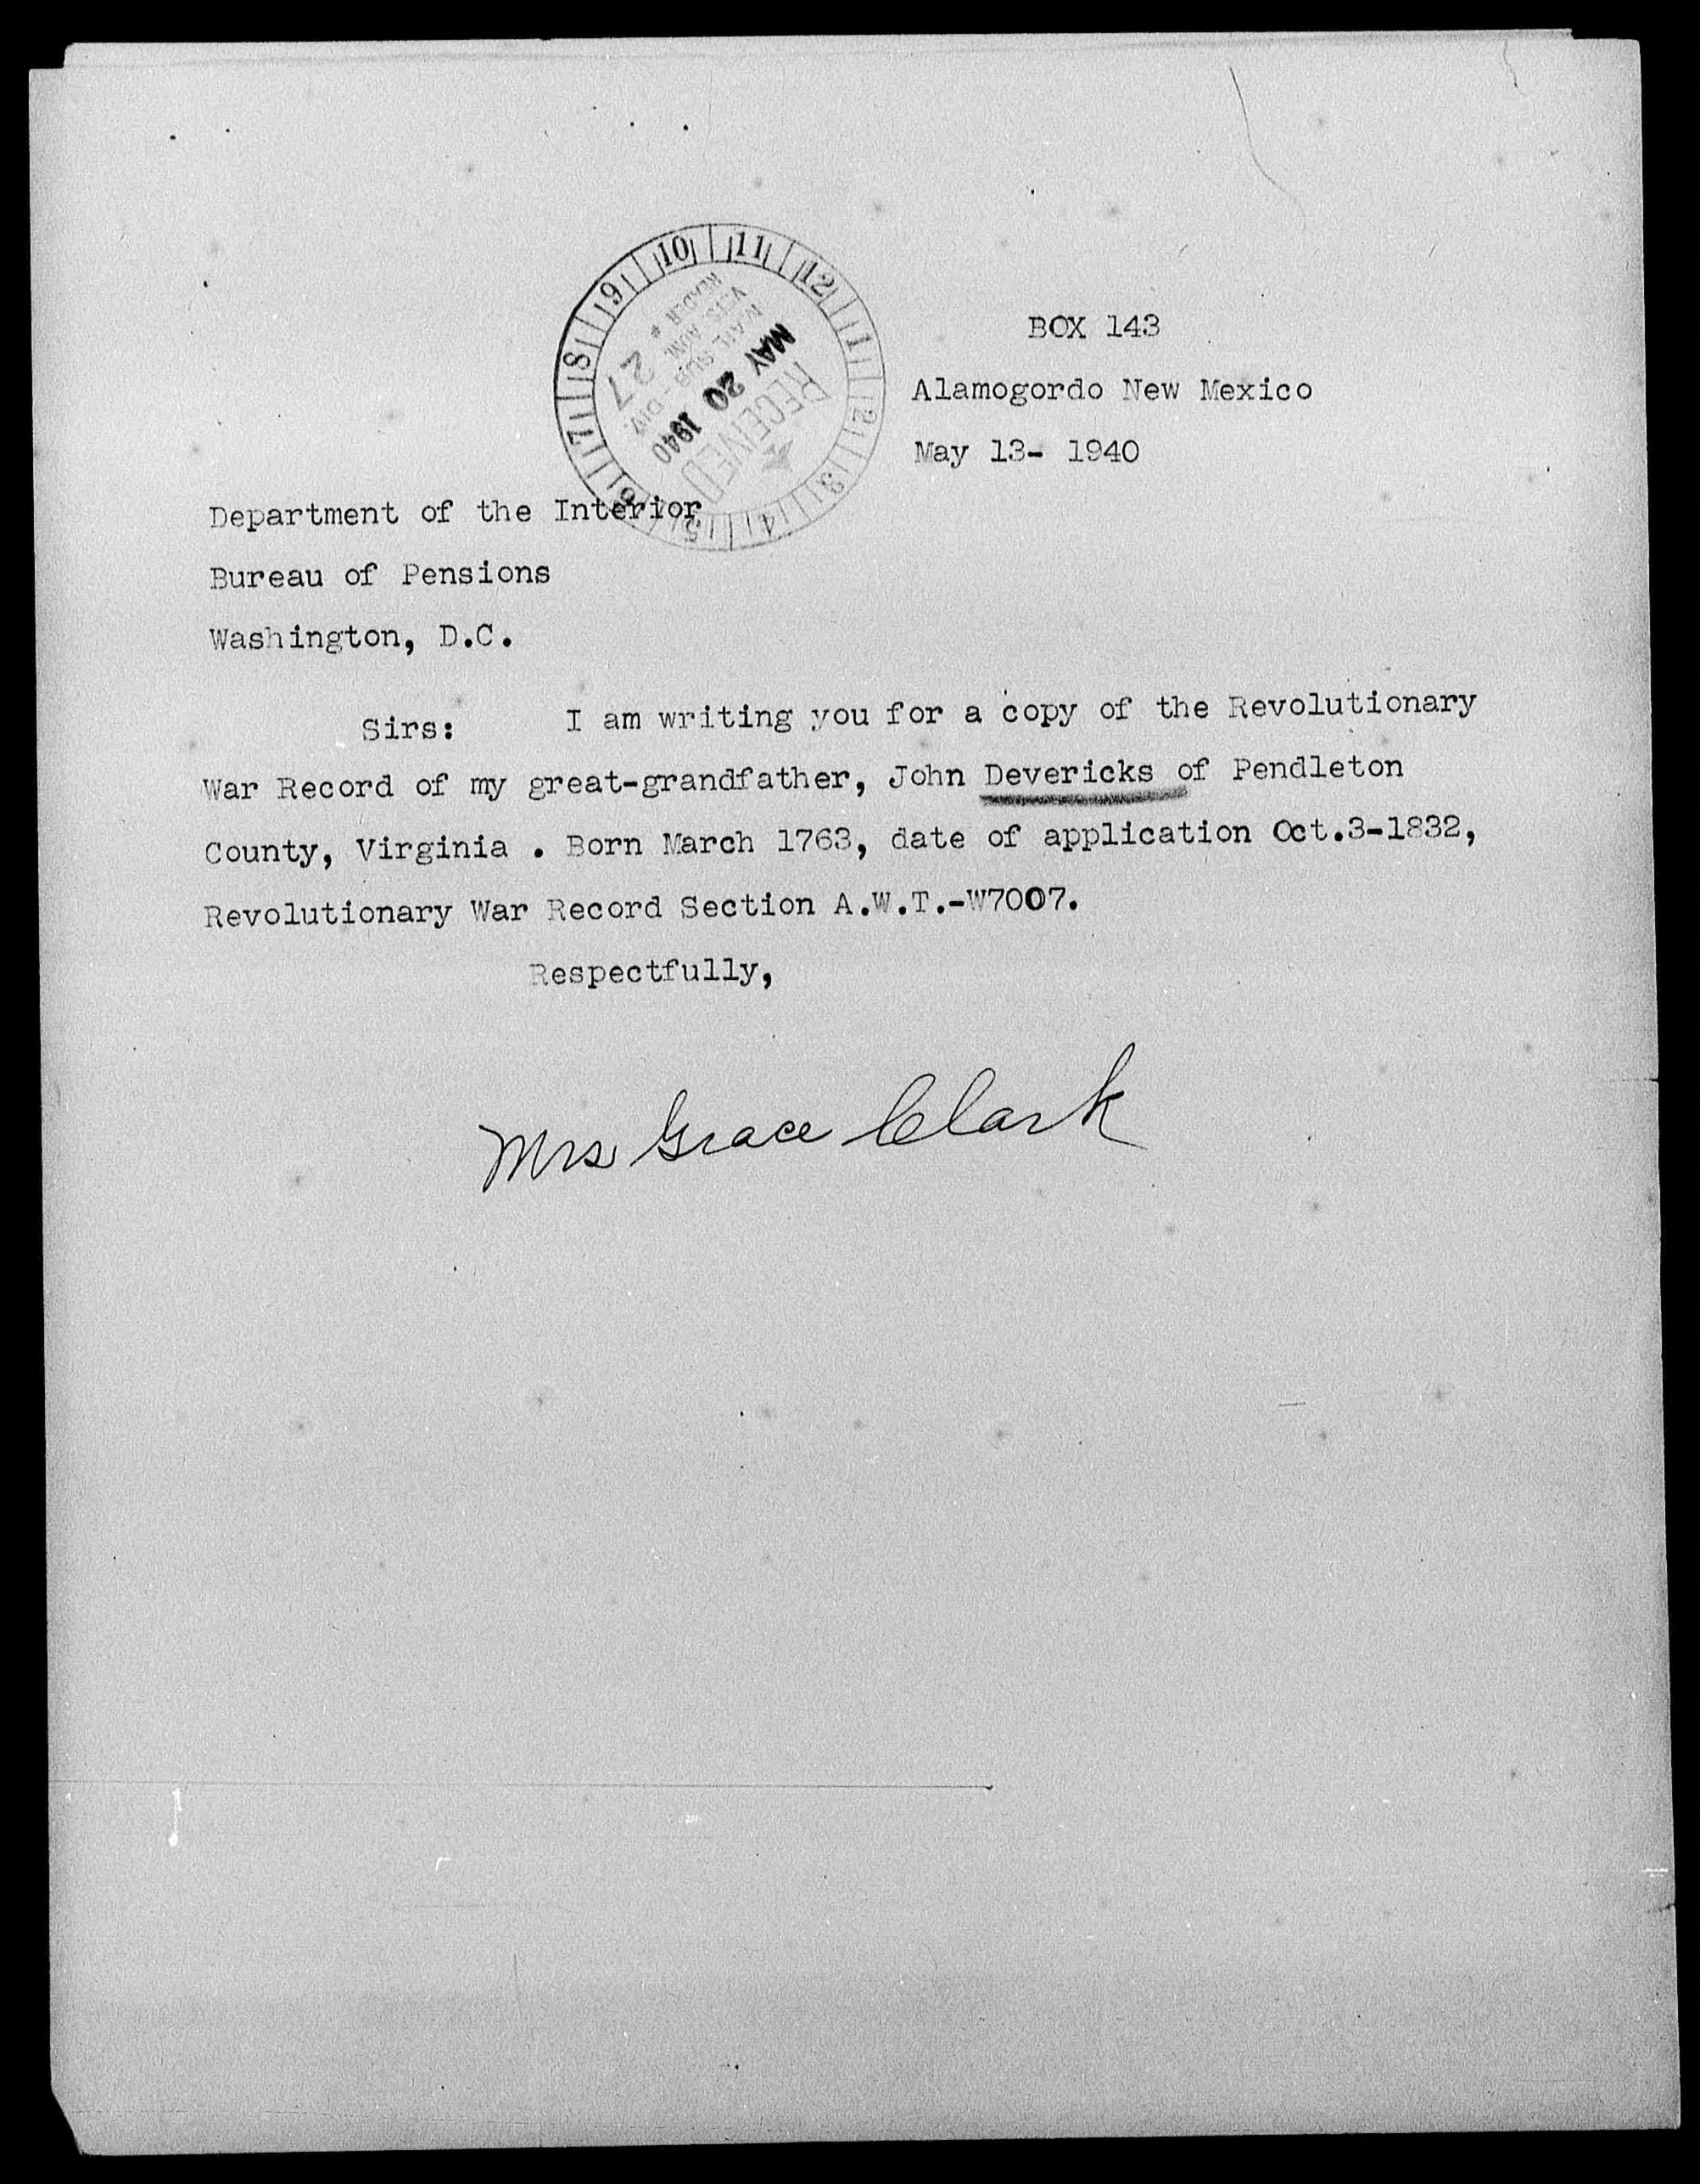Box 143
Alamogordo New Mexico
May 13- 1940

Department of the Interior
Bureau of Pensions
Washington, D.C.

Sirs: I am writing you for a copy of the Revolutionary War Record of my great-grandfather, John Devericks of Pendleton County, Virginia. Born March 1763, date of application Oct. 3-1832, Revolutionary War Record Section A.W.T.-W7007

Respectfully,
Mrs Grace Clark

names: Grace Clark, John Devericks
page: 19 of 35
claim: widow's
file: W 7007, John Devericks, Va.